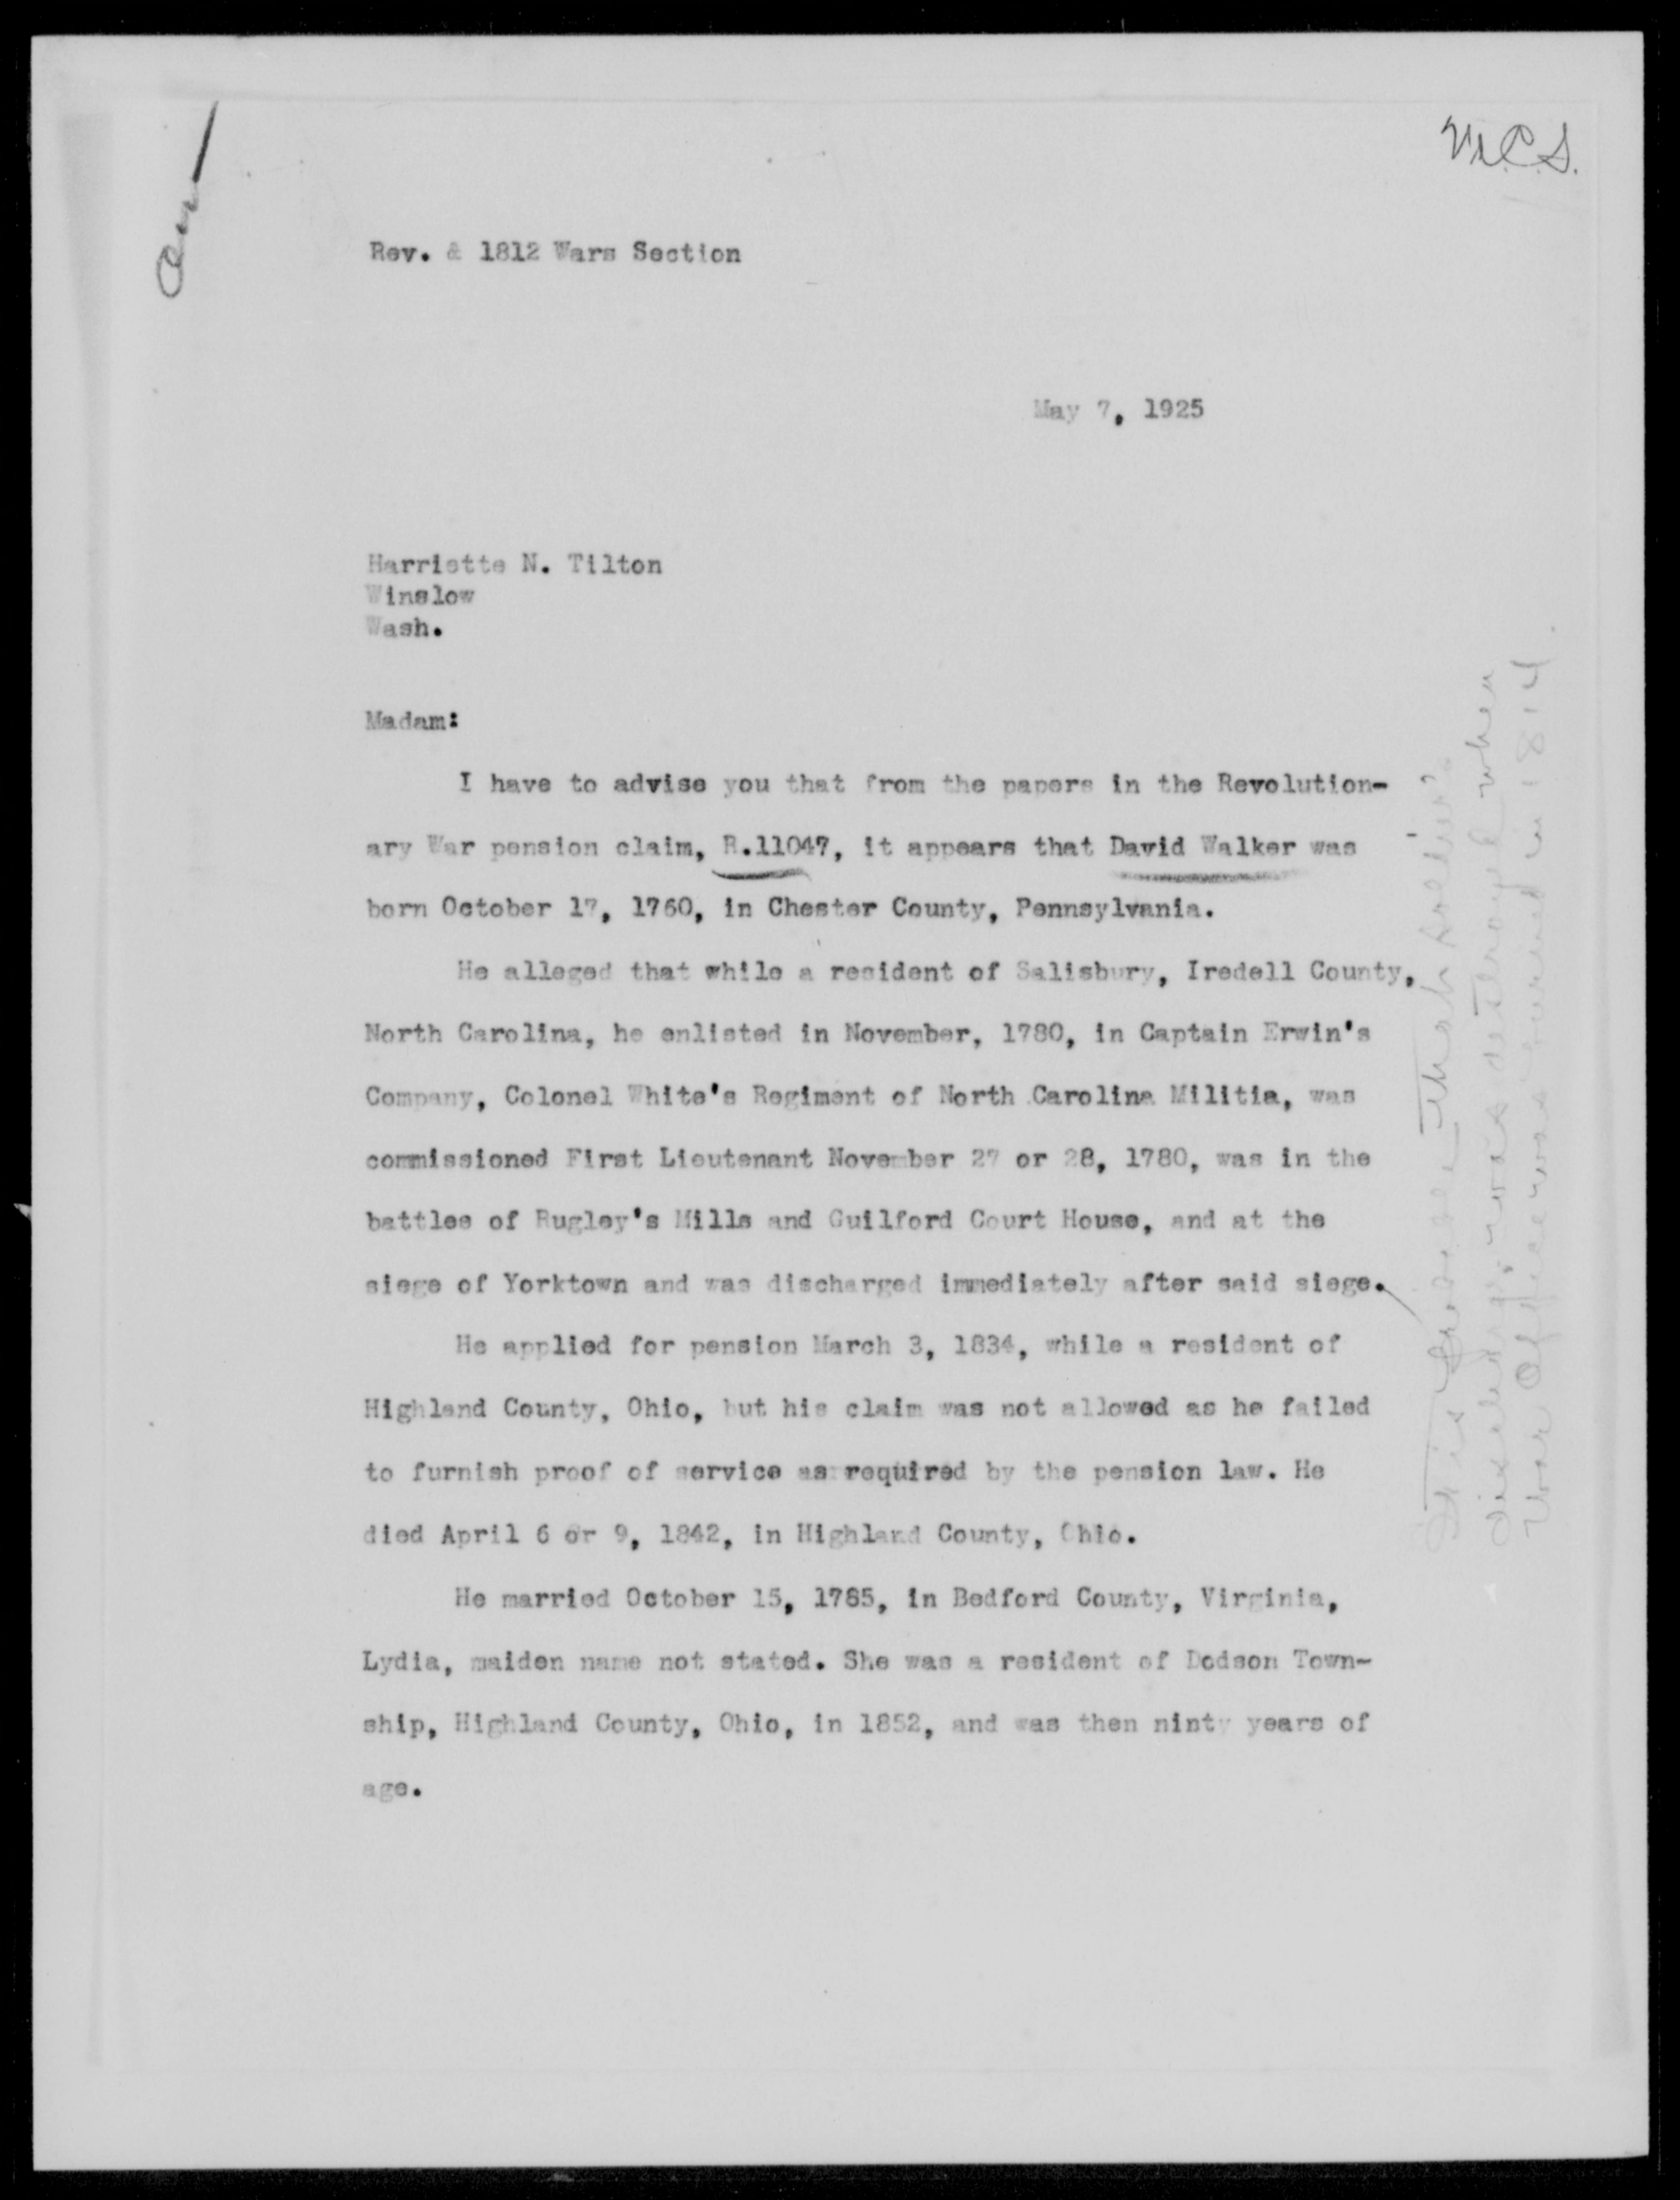Rev. & 1812 Wars Section
Harriette N. Tilton
Winslow
Wash.
Madam:
May 7, 1925
I have to advise you that from the papers in the Revolutionary War pension claim, R.11047, it appears that David Walker was born October 17, 1760, in Chester County, Pennsylvania.
He alleged that while a resident of Salisbury, Iredell County, North Carolina, he enlisted in November, 1780, in Captain Ervin's Company, Colonel White's Regiment of North Carolina Militia, was commissioned First Lieutenant November 27 or 28, 1780, was in the battles of Rugley's Mills and Guilford Courthouse, and at the siege of Yorktown and was discharged immediately after said siege.
He applied for pension March 3, 1834, while a resident of Highland County, Ohio, but his claim was not allowed as he failed to furnish proof of service as required by the pension law. He died April 6 or 9, 1842, in Highland County, Ohio.
He married October 15, 1785, in Bedford County, Virginia, Lydia, maiden name not stated. She was a resident of Dodson Township, Highland County, Ohio, in 1852, and was then nine years of age.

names: Harriette N Tilton, Lydia, David Walker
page: 19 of 37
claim: rejected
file: R. 11047, David Walker, N.C.